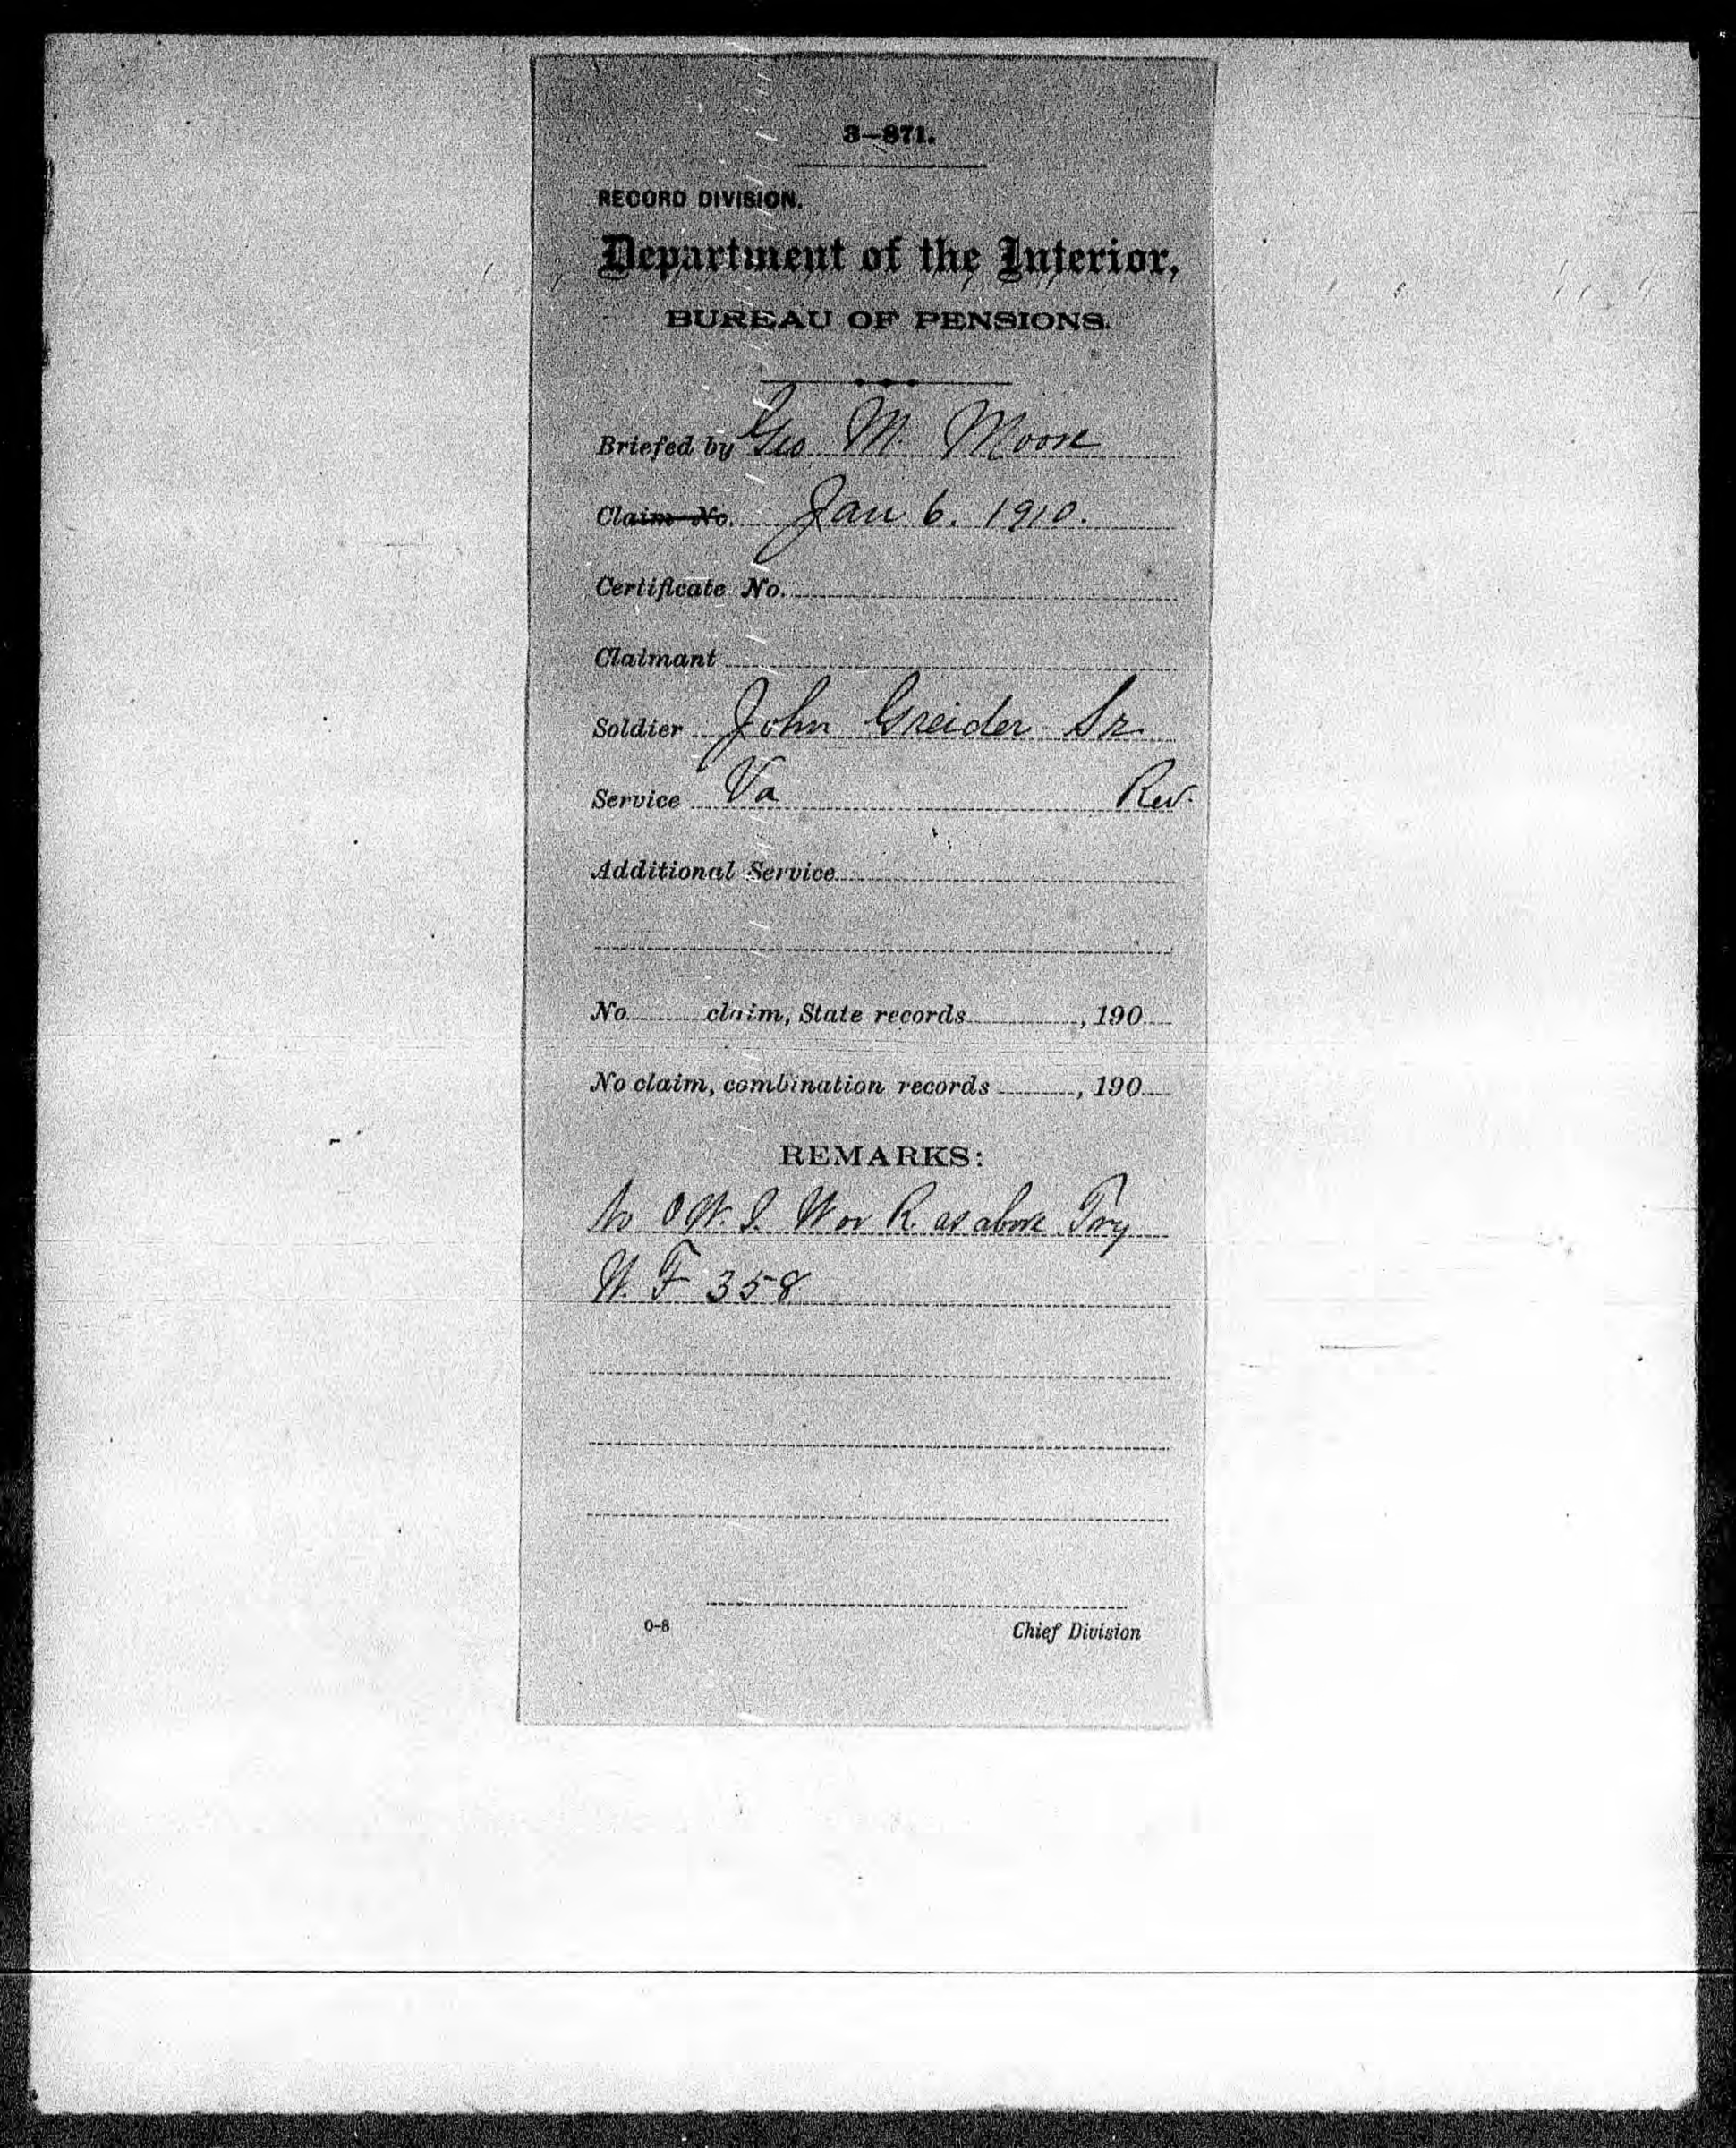3-871

Record Division

Department of the Interior
Bureau of Pensions

Briefed by  Geo M Moore
Claim no [crossedout]  Jan 6, 1910
Certificate no. ________
Claimant________
Soldier John Grider Sr.
service   Va            Rev.
Additional service_____________

no_____claim, state records__, 190___
No Claim, combination records__, 190___

REMARKS:
No  O W J War Ras above [illegible]
N. F 358


Chief Division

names: Geo M Moore, John Greider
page: 30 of 91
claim: widow's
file: W 358, John Grider, N.C.